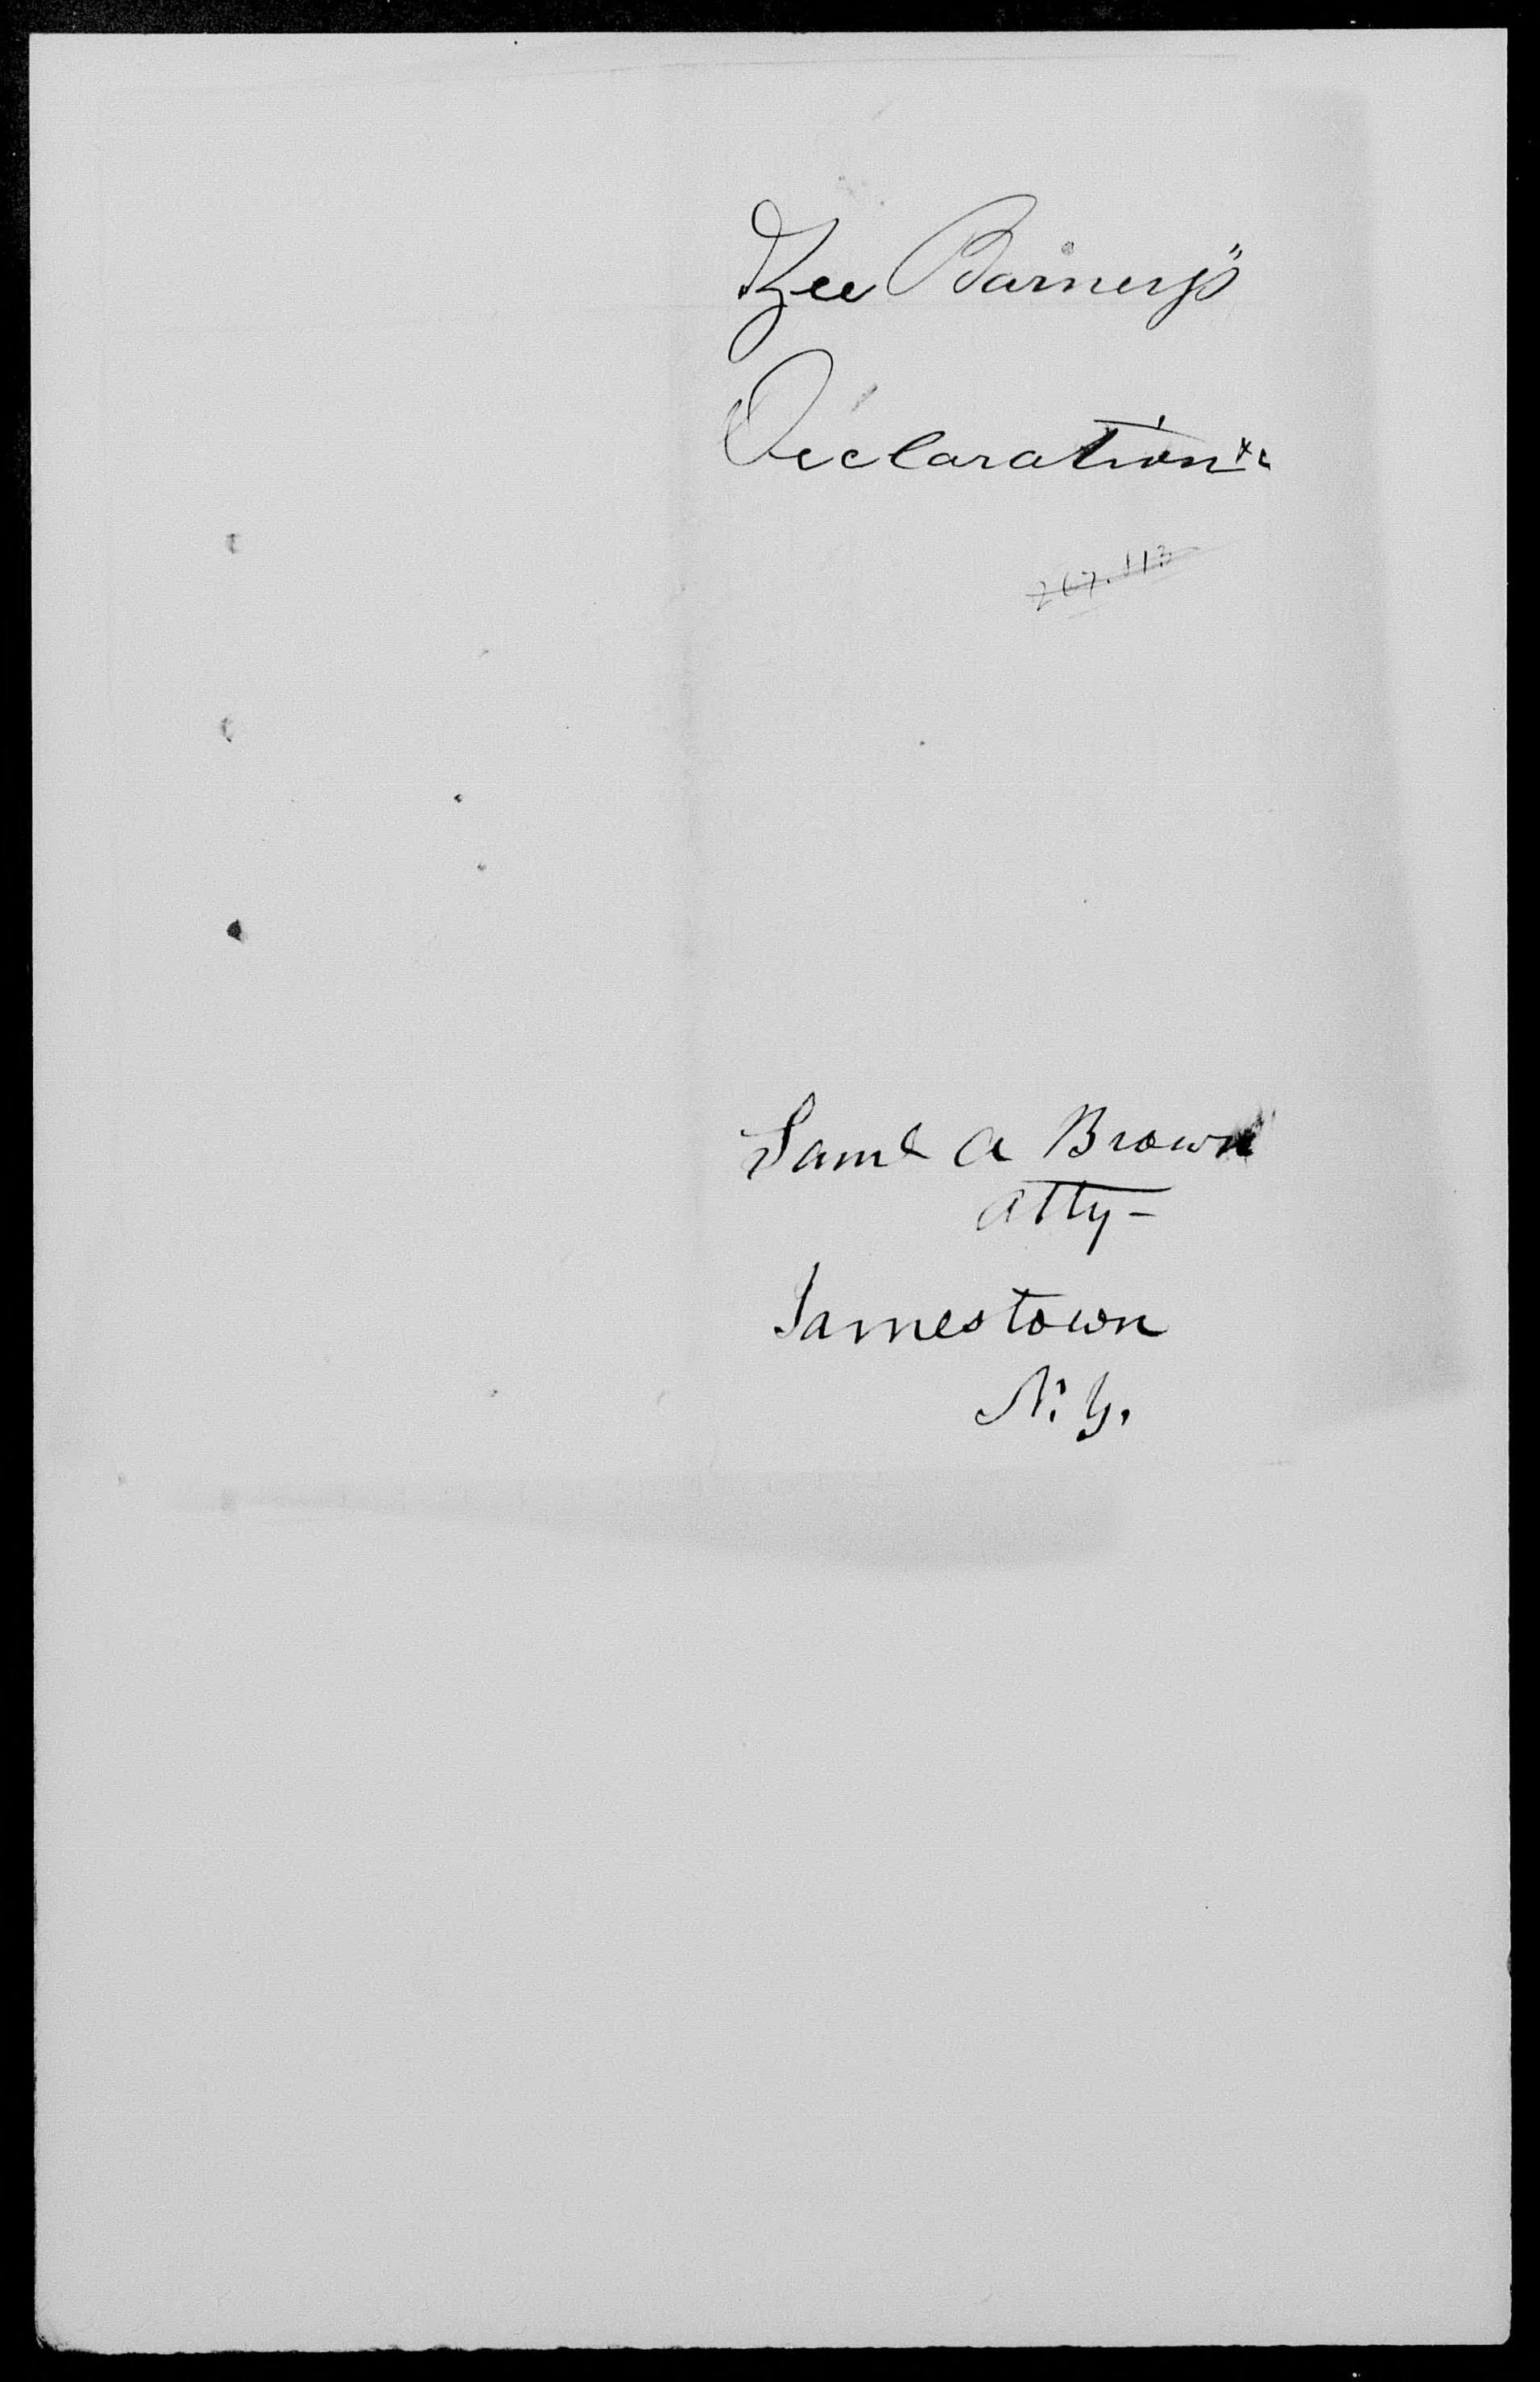Lee Barney's Declaration

Saml A Brown Atty.
Jamestown N. Y.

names: Zee Barney, Saml A Brown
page: 34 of 61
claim: widow's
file: W. 4.124, Luther Barney, Conn. Privateer.